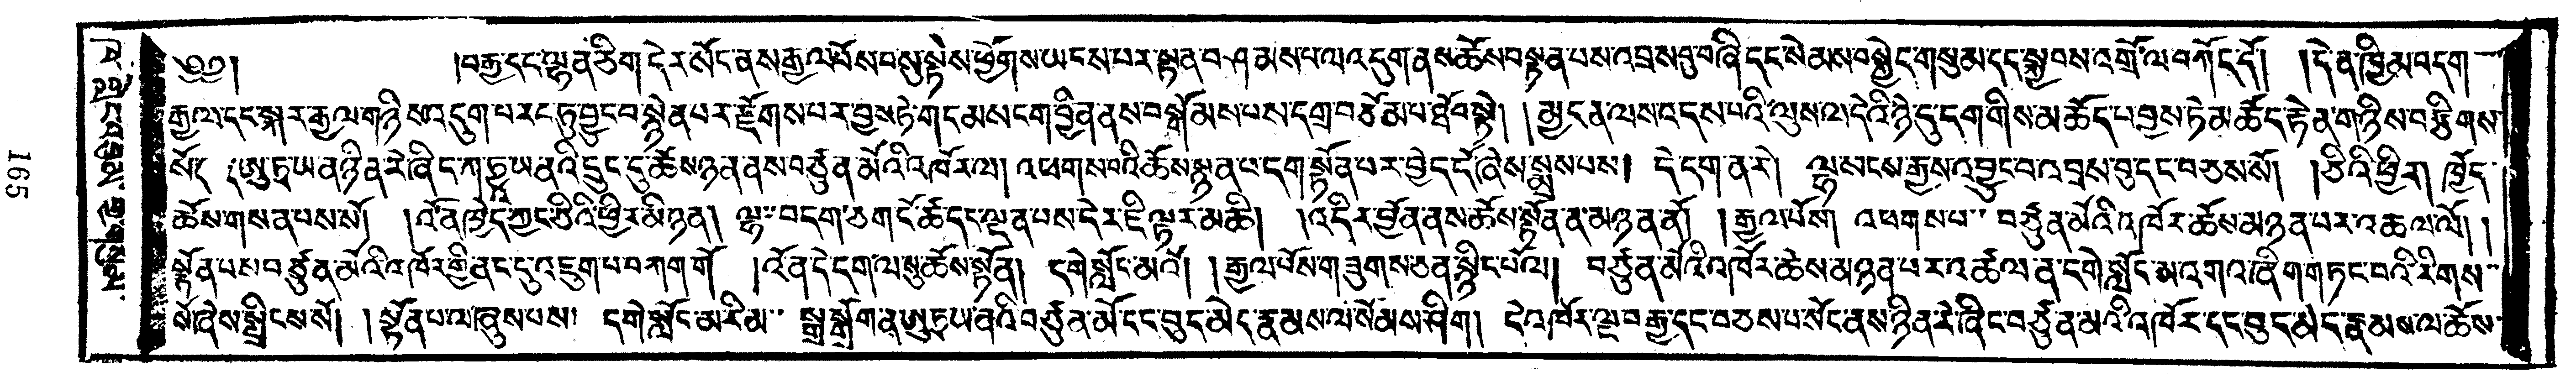༄༅། །བརྒྱ་དང་ལྷན་ཅིག་དེར་སོང་ནས་རྒྱལ་བོས་བསུ་སྟེས་ཕྱོགས་ཡངས་པར་སྟན་བཤམས་པ་ལ་འདུག་ནས་ཆོས་བསྟན་པས་འབྲས་བུ་བཞི་དང་སེམས་བསྐྱེད་གསུམ་དང་སྐྱབས་འགྲོ་ལ་བཀོད་དོ། །དེ་ན་ཁྱིམ་བདག་
རྒྱལ་དང་སྐར་རྒྱལ་གཉིས་འདུག་པ་རང་ཏུ་བྱུང་བ་སྙེན་པར་རྫོགས་པར་བྱས་ཏེ་གདམས་ངག་བྱིན་ནས་བསྒོམས་པས་དགྲ་བཅོམ་པ་ཐོབ་སྟེ། །མྱ་ངན་ལས་འདས་པའི་ལུས་ལ་དེའི་ཉེ་དུ་དག་གིས་མཆོད་པ་བྱས་ཏེ་མཆོད་རྟེན་གཉིས་བརྩིགས་
སོ༑ ༑ཨུ་ཏྲ་ཡ་ན་ཉིན་རེ་ཞིང་ཀ་ཏྱཱ་ཡ་ནའི་དྲུང་དུ་ཆོས་ཉན་ནས་བཙུན་མོའི་འཁོར་ལ། འཕགས་བའི་ཆོས་སྙན་པ་དག་སྟོན་པར་བྱེད་དོ་ཞེས་སྨྲས་པས། དེ་དག་ན་རེ། ལྷ་སངས་རྒྱས་འབྱུང་བ་འབྲས་བུ་དང་བཅས་སོ། །ཅིའི་ཕྱིར། ཁྱོད་
ཆོས་གསན་པས་སོ། །འོ་ན་ཁྱེད་ཀྱང་ཅིའི་ཕྱིར་མི་ཉན། ལྷ་བདག་ཅག་ངོ་ཚ་དང་ལྡན་པས་དེར་ཇི་ལྟར་མཆི། །འདིར་བྱོན་ནས་ཆོས་སྟོན་ན་མཉན་ནོ། །རྒྱལ་པོས། འཕགས་པ་བཙུན་མོའི་འཁོར་ཆོས་མཉན་པར་འཆལ་ལོ། །
སྟོན་པས་བཙུན་མོའི་འཁོར་གྱི་ནང་དུ་འཇུག་པ་བཀག་གོ། །འོ་ན་དེ་དག་ལ་སུ་ཆོས་སྟོན། དགེ་སློང་མའོ། །རྒྱལ་པོས་གཟུགས་ཅན་སྙིང་པོ་ལ། བཙུན་མོའི་འཁོར་ཆེས་མཉན་པར་འཚལ་ན་དགེ་སློང་མ་འགའ་ཞིག་གཏང་བའི་རིགས་
སོ་ཞེས་སྤྲིངས་སོ། །སྟོན་པ་ལ་ཞུས་པས། དགེ་སློང་མ་རིམ་སྒྲ་སྒྲོག་ན་ཨུཏྲ་ཡ་ནའི་བཙུན་མོ་དང་བུད་མེད་རྣམས་ལ་སོམས་ཤིག། དེ་འཁོར་ལྔ་བརྒྱ་དང་བཅས་པ་སོང་ནས་ཉིན་རེ་ཞིང་བཙུན་མའི་འཁོར་དང་བུད་མེད་རྣམས་ལ་ཆོས་